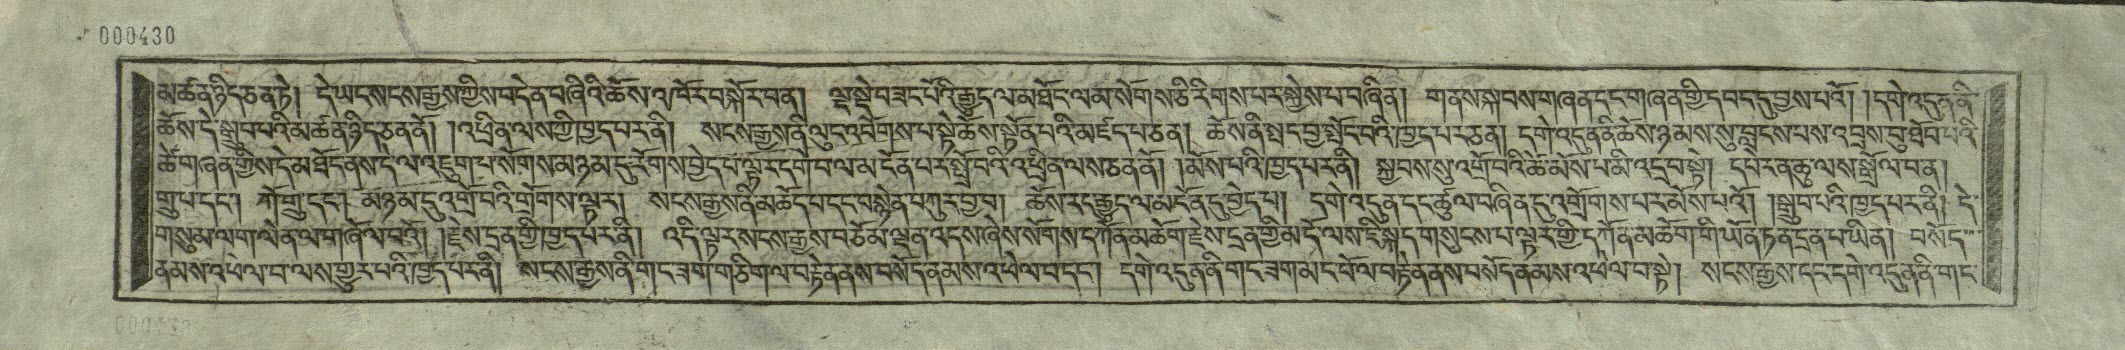མཚན་ཉིད་ཅན་ཏེ། དེ་ཡང་སངས་རྒྱས་ཀྱིས་བདེན་བཞིའི་ཆོས་འཁོར་བསྐོར་བ་ན། ལྔ་སྡེ་བཟང་པོའི་རྒྱུད་ལ་མཐོང་ལམ་སོགས་ཅི་རིགས་པར་སྐྱེས་པ་བཞིན། གནས་སྐབས་གཞན་དང་གཞན་གྱི་དབང་དུ་བྱས་པའོ། །དགེ་འདུན་ནི་
ཆོས་དེ་སྒྲུབ་པའི་མཚན་ཉིད་ཅན་ནོ། །འཕྲིན་ལས་ཀྱི་ཁྱད་པར་ནི། སངས་རྒྱས་ནི་ལུང་འབོགས་པ་སྟེ་ཆོས་སྟོན་པའི་མཛད་པ་ཅན། ཆོས་ནི་སྤང་བྱ་སྤོང་བའི་ཁྱད་པར་ཅན། དགེ་འདུན་ནི་ཆོས་ཉམས་སུ་བླངས་པས་འབྲས་བུ་ཐོབ་པའི་
ཚེ་གཞན་གྱིས་དེ་མཐོང་ནས་དེ་ལ་འཇུག་པ་སོགས་མཉམ་དུ་རོགས་བྱེད་པ་ལྟར་དགེ་བ་ལ་མངོན་པར་སྤྲོ་བའི་འཕྲིན་ལས་ཅན་ནོ། །མོས་པའི་ཁྱད་པར་ནི། སྐྱབས་སུ་འགྲོ་བའི་ཚེ་མོས་པ་མི་འདྲ་བ་སྟེ། དཔེར་ན་ཆུ་ལས་སྒྲོལ་བ་ན།
གྲུ་པ་དང་། ཀོ་གྲུ་དང་། མཉམ་དུ་འགྲོ་བའི་གྲོགས་ལྟར། སངས་རྒྱས་ནི་མཆོད་པ་དང་བསྙེན་བཀུར་བྱ་བ། ཆོས་?་རང་རྒྱུད་ལ་མངོན་དུ་བྱེད་པ། དགེ་འདུན་དང་ཚུལ་བཞིན་དུ་འགྲོགས་པར་མོས་པའོ། །སྒྲུབ་པའི་ཁྱད་པར་ནི། དེ་
གསུམ་ལག་ལེན་ལ་གཞོལ་བའོ། །རྗེས་དྲན་གྱི་ཁྱད་པར་ནི། འདི་ལྟར་སངས་རྒྱས་བཅོམ་ལྡན་འདས་ཞེས་སོགས་དཀོན་མཆོག་རྗེས་དྲན་གྱི་མདོ་ལས་ཇི་སྐད་གསུངས་པ་ལྟར་གྱི་དཀོན་མཆོག་གི་ཡོན་ཏན་དྲན་པ་ཡིན། བསོད་
ནམས་འཕེལ་བ་ལས་གྱུར་པའི་ཁྱད་པར་ནི། སངས་རྒྱས་ནི་གང་ཟག་གཅིག་ལ་བརྟེན་ནས་བསོད་ནམས་འཕེལ་བ་དང་། དགེ་འདུན་ནི་གང་ཟག་མང་པོ་ལ་བརྟེན་ནས་བསོད་ནམས་འཕེལ་བ་སྟེ། སངས་རྒྱས་དང་དགེ་འདུན་ནི་གང་